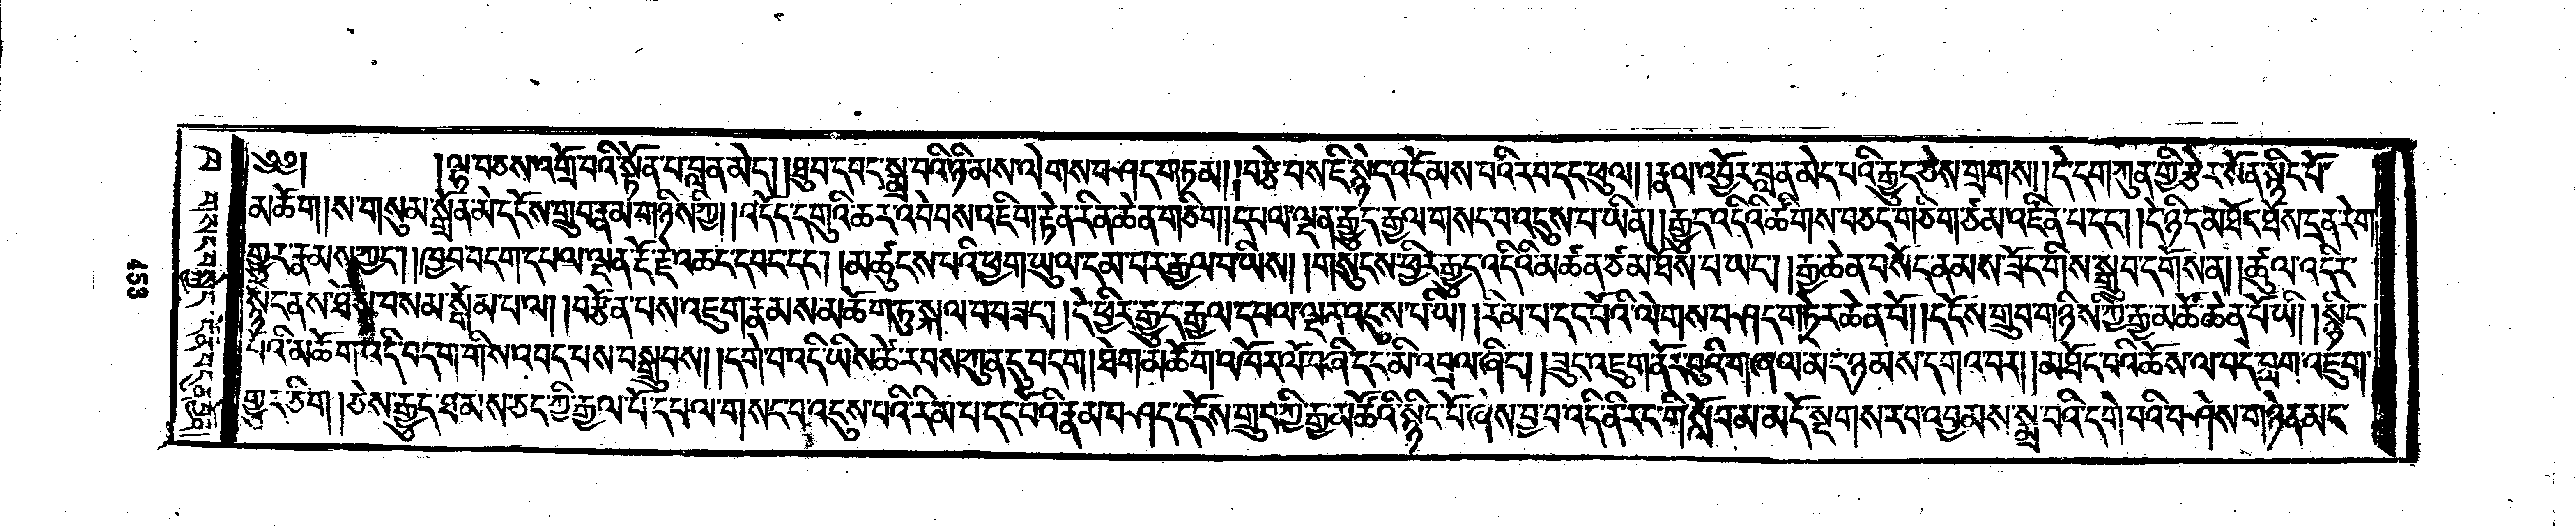༄༅། །ལྷ་བཅས་འགྲོ་བའི་སྟོན་པ་བླ་ན་མེད། །ཐུབ་དབང་སྨྲ་བའི་ཉི་མས་ལེགས་བཤད་གཏམ། །བརྩེ་བས་ཇི་སྙེད་འདོམས་པའི་རབ་དང་ཕུལ། །རྣལ་འབྱོར་བླ་ན་མེད་པའི་རྒྱུད་ཅེས་གྲགས། །དེ་དག་ཀུན་གྱི་རྩེར་སོན་སྙིང་པོ་
མཆོག །ས་གསུམ་སྒྲོན་མེ་དངོས་གྲུབ་རྣམ་གཉིས་ཀྱི། །འདོད་དགུའི་ཆར་འབེབས་འཇིག་རྟེན་རིན་ཆེན་གཅིག །དཔལ་ལྡན་རྒྱུད་རྒྱལ་གསང་བ་འདུས་པ་ཡིན། །རྒྱུད་འདིའི་ཚིགས་བཅད་གཅིག་ཙམ་འཛིན་པ་དང་། །དེ་ཉིད་མཐོང་ཐོས་དྲན་རེག་
གྱུར་རྣམས་ཀྱང་། །ཁྱབ་བདག་དཔལ་ལྡན་རྡོ་རྗེ་འཆང་དབང་དང་། །མཚུངས་པའི་ཕྱག་ཡུལ་དམ་པར་རྒྱལ་བ་ཡིས། །གསུངས་ཕྱིར་རྒྱུད་འདིའི་མཚན་ཙམ་ཐོས་པ་ཡང་། །རྒྱ་ཆེན་བསོད་ནམས་ཟོང་གིས་སྒྲུབ་དགོས་ན། །ཚུལ་འདིར་
སྙིང་ནས་ཐོས་བསམ་སྒོམ་པ་ལ། །བརྩོན་པས་འཇུག་རྣམས་མཆོག་ཏུ་སྐལ་བ་བཟང་། །དེ་ཕྱིར་རྒྱུད་རྒྱལ་དཔལ་ལྡན་འདུས་པ་ཡི། །རིམ་པ་དང་པོའི་ལེགས་བཤད་གཏེར་ཆེན་པོ། །དངོས་གྲུབ་གཉིས་ཀྱི་རྒྱ་མཚོ་ཆེན་པོ་ཡི། །སྙིང་
པོའི་མཆོག་འདི་བདག་གིས་འབད་པས་བསྒྲུབས། །དགེ་བ་འདི་ཡིས་ཚེ་རབས་ཀུན་དུ་བདག །ཐེག་མཆོག་འཁོར་ལོ་བཞི་དང་མི་འབྲལ་ཞིང་། །ཟུང་འཇུག་ནོར་བུའི་གཞལ་མེད་ཉམས་དགའ་བར། །མཐོང་པའི་ཆོས་ལ་བདེ་ལག་འཇུག་
གྱུར་ཅིག །ཅེས་རྒྱུད་ཐམས་ཅད་ཀྱི་རྒྱལ་པོ་དཔལ་གསང་བ་འདུས་པའི་རིམ་པ་དང་པོའི་རྣམ་བཤད་དངོས་གྲུབ་ཀྱི་རྒྱ་མཚོའི་སྙིང་པོ་ཞེས་བྱ་བ་འདི་ནི་རང་གི་སློབ་མ་མདོ་སྔགས་རབ་འབྱམས་སྨྲ་བའི་དགེ་བའི་བཤེས་གཉེན་མང་